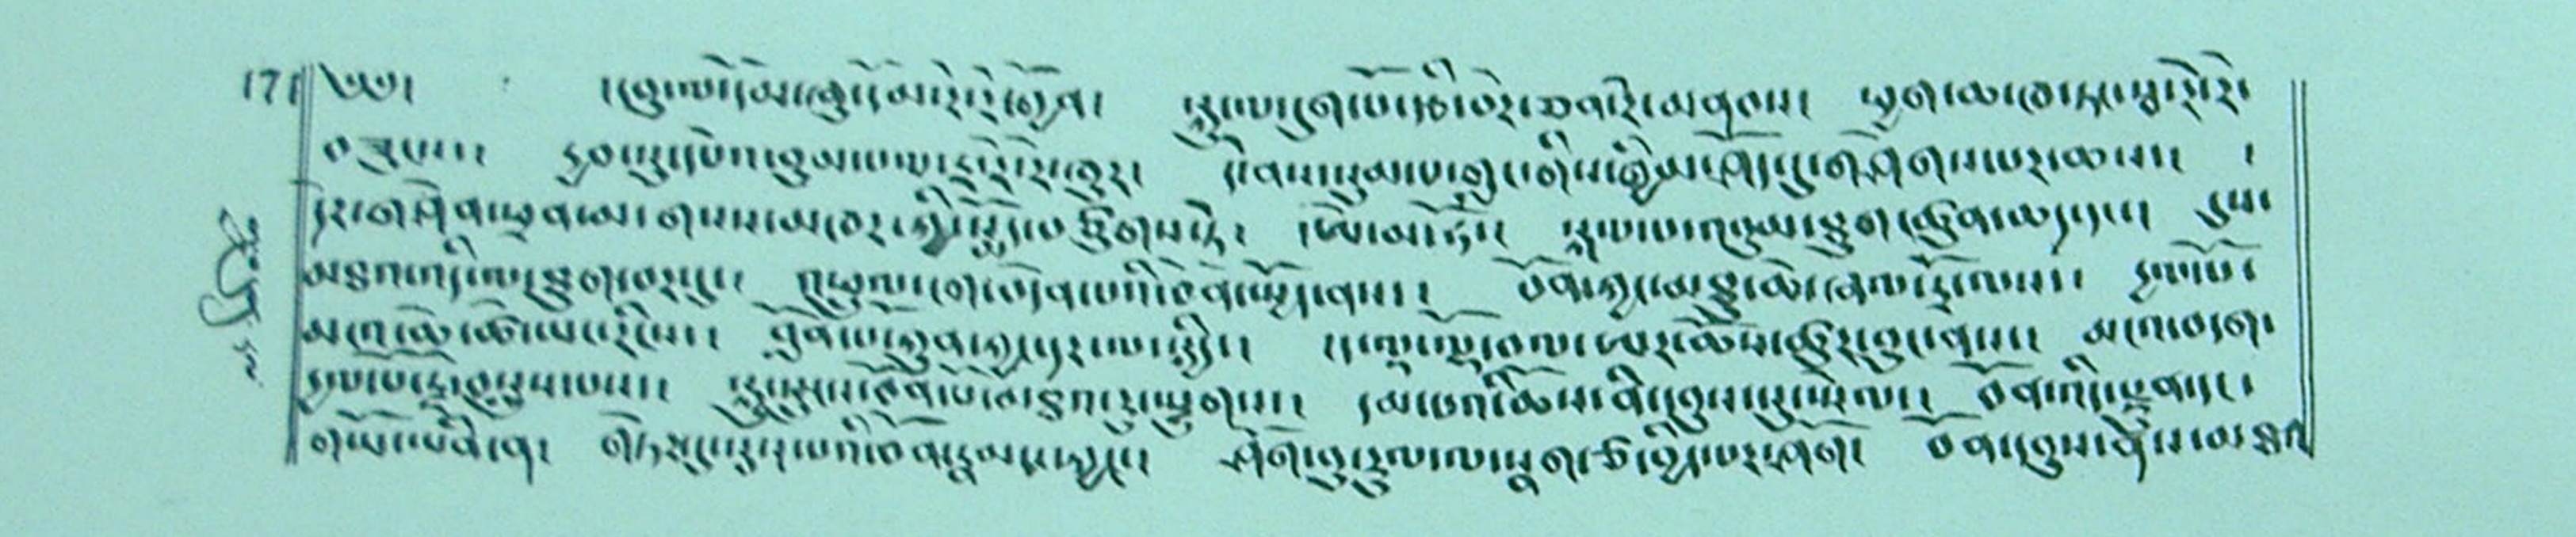༄༅། །དབུ་ལ་དོམ་ཞུ་རེ་རེ་གྱོན། སྐུ་ལ་དུག་པོར་རྩི་བེར་ཅན་རེ་མནབས། ཕྱག་ཆ་ཁ་ཏང་སྦ་རེ་རེ་
བཟུང་། རྒྱབ་ཏུ་དཔེ་བུམ་པ་ལ་རྡ་རེ་རེ་ཁུར། དེ་ནས་སུམ་པ་གླང་གི་གྱིམ་ཤོད་དུ་གཤེགས་པར་ཆས། 
དེར་གཤེན་ཕྲན་མ་གསས་མཁར་གྱི་སྨོད་བཙུགས་ཏེ། ཨེ་མ་ཧོ། བསྐལ་བ་འབུམ་ཐུག་ཚུན་ཆད་དང་། དུས་
མཐའ་འདི་ལ་ཐུག་བར་དུ། འཕྲུལ་ངག་བདེན་པའི་བོན་སྤྱོད་ནས། བོན་ཀྱང་མཐུ་ཆེ་ཞལ་དྲོ་ལས། རྒྱལ་བོ་
མངའ་ཆེ་ཚེ་ཡང་རིང་། བློན་པོ་ཀུན་ཀྱང་དར་ལ་སྐྱིད། ད་ལྟ་ལྷོ་བལ་ཨར་ཆོས་ཚུར་བྱུང་ནས། མངའ་བདག་
རྒྱལ་བོ་རྗེ་བསླུས་པས། སྐུ་བསྲུངས་བོན་པོ་མཐར་རུ་སྤྱུགས། དམ་པའི་ཆོས་ནི་དབུས་སུ་སྤེལ། བོན་འདི་རྫུན་དང་
གཡོ་ཡིན་ན། གཏེར་དུ་སྦས་པའི་བོན་རྣམས་ཀྱང་། ཤོག་བུ་རུལ་ལ་སྣག་ཙ་བྱིད་བར་ཤོག བོན་དབུས་ནས་མཐའ་